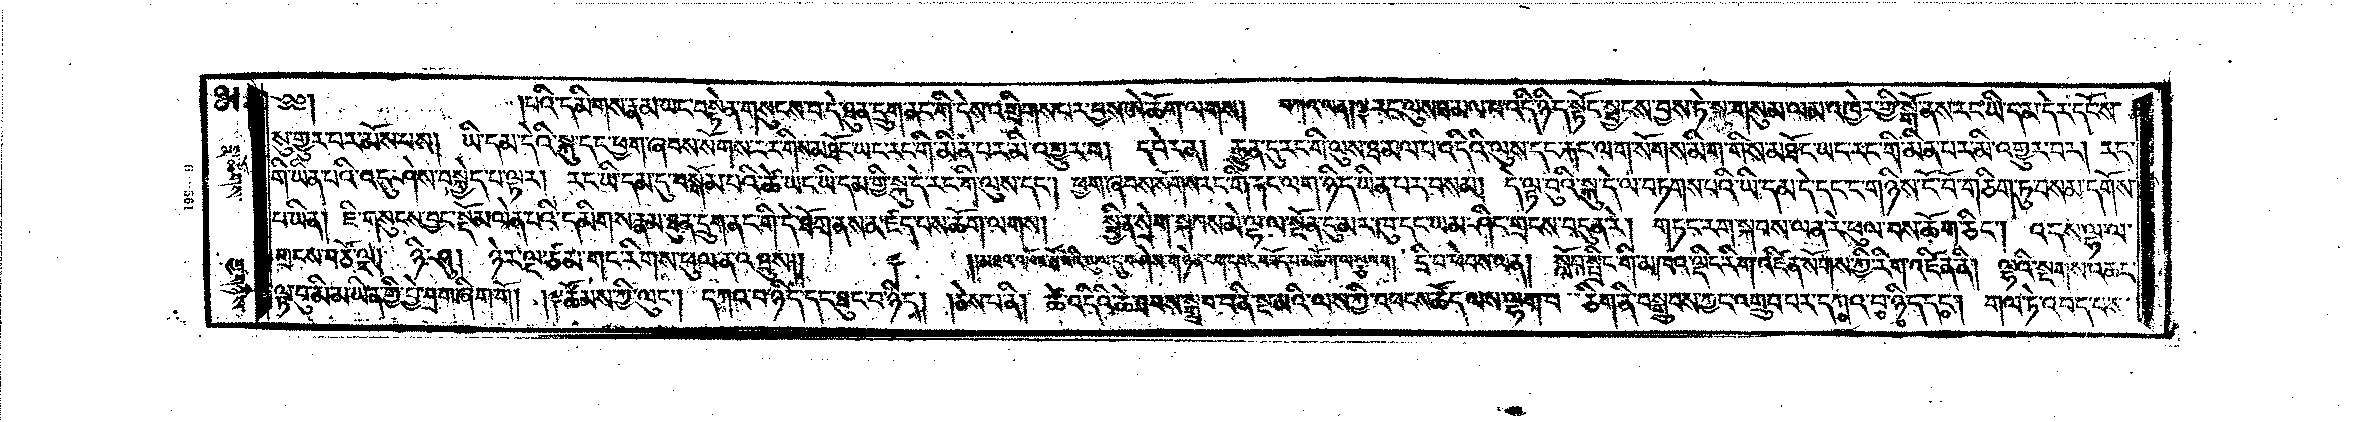༄༅། །པའི་དམིགས་རྣམ་ཡང་བསྟེན་གསུངས་བ་དེ་ཐུན་དྲུག་ནང་གི་དེས་འགྲིགས་པར་བྱས་ཨེ་ཆོག་ལགས། བཀའ་ལན།  ༈ རང་ལུས་ཐ་མལ་པ་འདི་ཉིད་སྟོང་སྦྱངས་བྱས་ཏེ་སྨུ་གསུམ་ལམ་འཁྱེར་གྱི་སྒོ་ནས་རང་ཡི་དམ་དེར་དངོས་
སུ་གྱུར་པར་མོས་པས། ཡི་དམ་དེའི་སྐུ་དང་ཕྱག་ཞབས་སོགས་རར་གིས་མཐོང་ཡང་རང་གི་མིན་པར་མི་འགྱུར་བ། དཔེར་ན། རྒྱུན་དུ་རང་གི་ལུས་ཐ་མལ་པ་འདིའི་ལུས་དང་རྐང་ལག་སོགས་མིག་གིས་མཐོང་ཡང་རང་གི་མིན་པར་མི་འགྱུར་བར། རང་
གི་ཡིན་པའི་འདུ་ཤེས་བསྐྱེད་པ་ལྟར། རང་ཡི་དམ་དུ་བསྒོམ་པའི་ཚེ་ཡང་ཡི་དམ་གྱི་སྐུ་དེ་རང་གི་ལུས་དང་། ཕྱག་ཞབས་སོགས་རང་གི་རྐང་ལག་ཉིད་ཡིན་པར་བསམ། དེ་ལྟ་བུའི་སྐུ་དེ་ལ་བཏགས་པའི་ཡི་དམ་དེ་དང་ང་གཉིས་ངོ་བོ་གཅིག་ཏུ་བསམ་དགོས་
པ་ཡིན། ཇི་གསུངས་བྱང་སྡོམ་ལེན་པའི་དམིགས་རྣམ་ཐུན་དྲུག་ནང་གི་དེ་ཐོག་ནས་མཛད་པས་ཆོག་ལགས། སྦྱིན་སྲེག་སྐབས་མེ་ལྷ་ལ་སྔོན་དུ་མར་ཁུ་དང་ཡམ་ཤིང་གྲངས་བདུན་རེ། གཏང་རག་སྐབས་ལན་རེ་ཕུལ་བས་ཆོག་ཅིང་། འདས་ལྷ་ལ་
གྲངས་བཅོ་ལྔ། ཉི་ཤུ། ཉེར་ལྔ་ཙམ་གང་རིགས་ཕུལ་ན་འཐུས།། ༈ །།མཐའ་འཁོར་སྤོ་པའི་ཡུལ་དུ་བཤེས་གཉེན་ངག་དབང་བཟོད་པ་མཆོག་ལ་སྩལ་པ།  དྲི་བ་ཕེབས་ལན། སློབ་སྤྲིང་གི་མཁའ་ལྡིང་རིག་འཛིན་སོགས་ཀྱི་རིག་འཛིན་ནི། ལྷའི་སྔགས་འཆང་
ལྟ་བུ་མི་མ་ཡིན་གྱི་བྱེ་བྲག་ཞིག་གོ། །༈ ཚོམས་ཀྱི་ལུང་། དཀའ་བ་ཉིད་དང་ཐུང་བ་ཉིད། །ཅེས་པ་ནི། ཚེ་འདིའི་ཚེ་ཐབས་སྒྲུབ་བ་ནི་སྔ་མའི་ལས་ཀྱི་འཕངས་ཚོད་ལས་ལྷག་བ་ཅིག་ནི་བསྒྲུབས་ཀྱང་འགྲུབ་པར་དཀའ྾་བ྾་ཉིད྾་དང྾། གལ་ཏེ་འབད་པས་